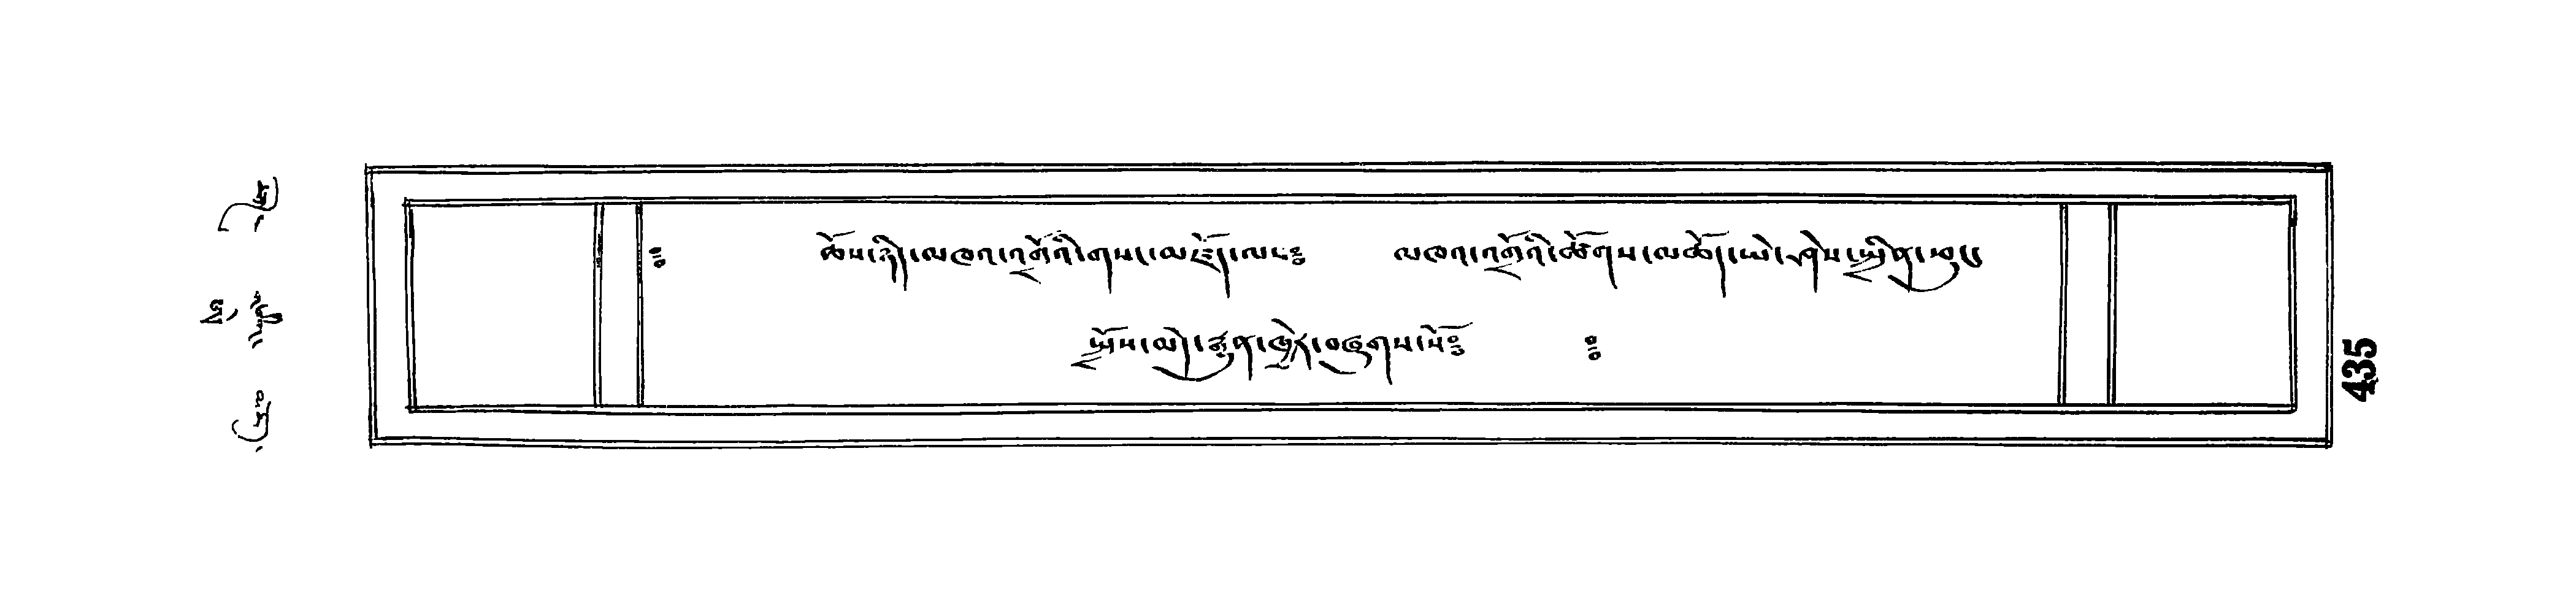ཆོས་ཉིད་མཁའ་འགྲོའི་གསང་མཛོད་ལས༔ མཁའ་འགྲོའི་ཚོགས་མཆོད་ཡེ་ཤེས་སྤྲིན་ཕུང་
སྤྲོས་མེད་རྒྱུན་ཁྱེར་བཞུགས་སོ༔